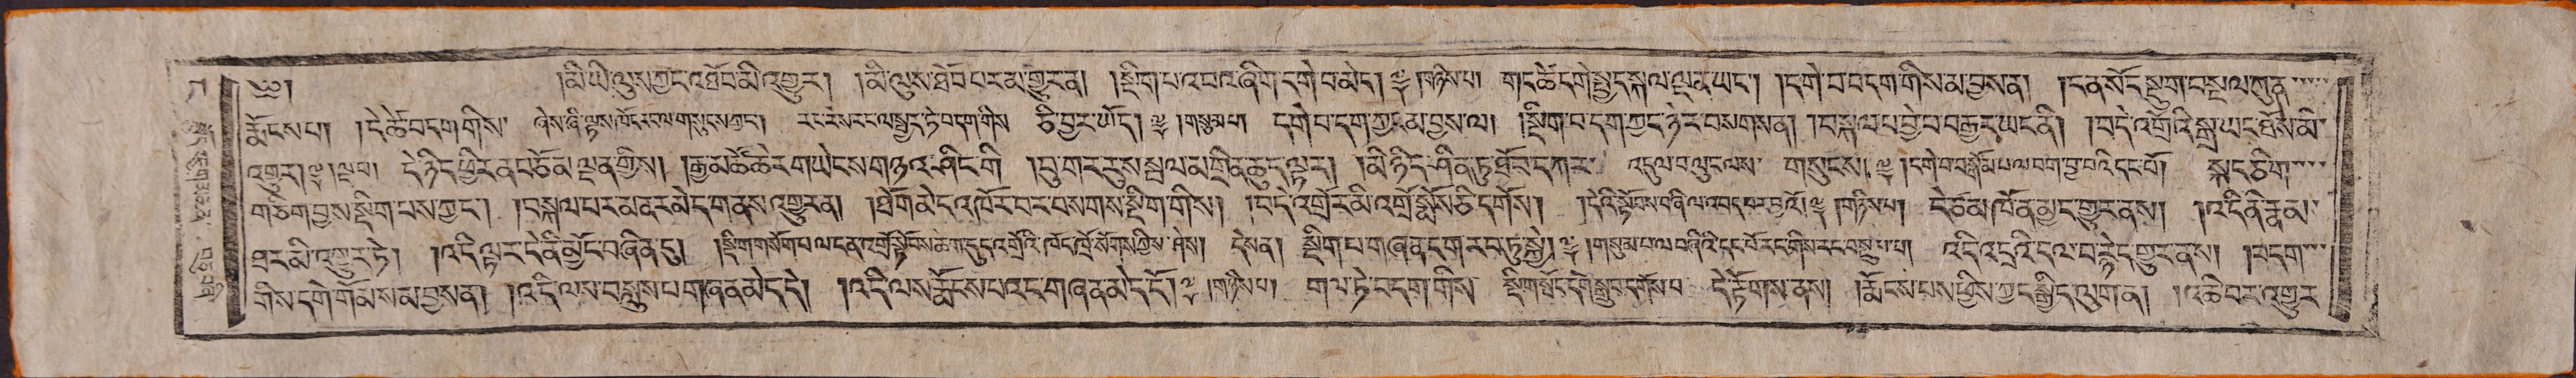༄༅། །མི་ཡི་ལུས་ཀྱང་འཐོབ་མི་འགྱུར། །མི་ལུས་ཐོབ་པར་མགྱུར་ན། །སྡིག་པ་འབའ་ཞིག་དགེ་བ་མེད། ༈ །གཉིས་པ། གང་ཚེ་དགེ་སྤྱད་སྐལ་ལྡན་ཡང་། །དགེ་བ་བདག་གིས་མ་བྱས་ན། །ངན་སོང་སྡུག་བསྔལ་ཀུན་
རྨོངས་པ། །དེ་ཚེ་བདག་གིས། ཞེས་ཞི་སྙས་ལོང་རང་ལ་གསུངས་ཀྱང་། རར་རེས་རང་ལ་སྦྱར་ཏེ་བདག་གིས་ཅི་བྱར་ཡོད། ༈ །གསུམ་པ། དགེ་བ་དག་ཀྱང་མ་བྱས་ལ། །སྡིག་པདག་ཀྱང་ཉེར་བསགས་ན། །བསྐལ་པ་བྱེ་བ་བརྒྱར་ཡང་ནི། །བདེ་འགྲོའི་སྒྲ་ཡང་ཐོས་མི་
འགྱུར། ༈ །ལྔ་པ། དེ་ཉིད་ཕྱིར་ན་བཅོམ་ལྡན་གྱིས། །རྒྱ་མཚོ་ཆེར་གཡེངས་གཉའ་ཤིང་གི །བུ་གར་རུས་སྦལ་མགྲིན་ཆུད་ལྟར། །མི་ཉིད་ཤིན་ཏུ་ཐོག་དཀར་འདུལ་བ་ལུང་ལས་གསུངས། ༈ །དགེ་བ་བསྒོམ་པ་ལ་བག་བྱ་བའི་དང་པོ།  སྐད་ཅིག་
གཅིག་བྱས་སྡིག་པས་ཀྱང་། །བསྐལ་པར་མནར་མེད་གནས་འགྱུར་ན། །ཐོག་མེད་འཁོར་བར་བསགས་སྡིག་གིས། །བདེ་འགྲོར་མི་འགྲོ་སྨོས་ཅི་དགོས། །དེའི་ཕྱིར་སྟོབས་བཞི་ལ་འབད་པར་བྱའོ། ༈ །གཉིས་པ། དེ་ཙམ་ཁོ་ན་མྱོང་གྱུར་ནས། །འདི་ནི་རྣམ་
ཐར་མི་འགྱུར་ཏེ། །འདི་ལྟར་དེ་ནི་མྱོང་བཞིན་དུ། །སྡིག་གསོག་པ་ལ་ངན་འགྲོ་སྟོབས་ཆེ་བ་དུད་འགྲོའི་ཁོང་ཁྲོ་སོངས་ཀྱིས་ཞེས། དེས་ན།  སྡིག་པ་གཞན་དག་རབ་ཏུ་སྐྱེ།༈ །གསུམ་པ་ལ་བཞིའི་དང་པོ་རང་གིས་རང་བསླུས་པ།  འདི་འདྲའི་དལ་བ་རྙེད་གྱུར་ནས། །བདག་
གིས་དགེ་གོམས་མ་བྱས་ན། །འདི་ལས་བསླུས་པ་གཞན་མེད་དེ། །འདི་ལས་རྨོངས་པའང་གཞན་མེད་དོ། ༈ །གཉིས་པ།  གལ་ཏེ་བདག་གིས་སྡིག་སྤོང་དགེ་སྒྲུབདྒོས་པ། དེ་རྟོགས་ནས། །རྨོངས་བས་ཕྱིས་ཀྱང་སྒྱིད་ལུག་ན། །འཆི་བར་འགྱུར་